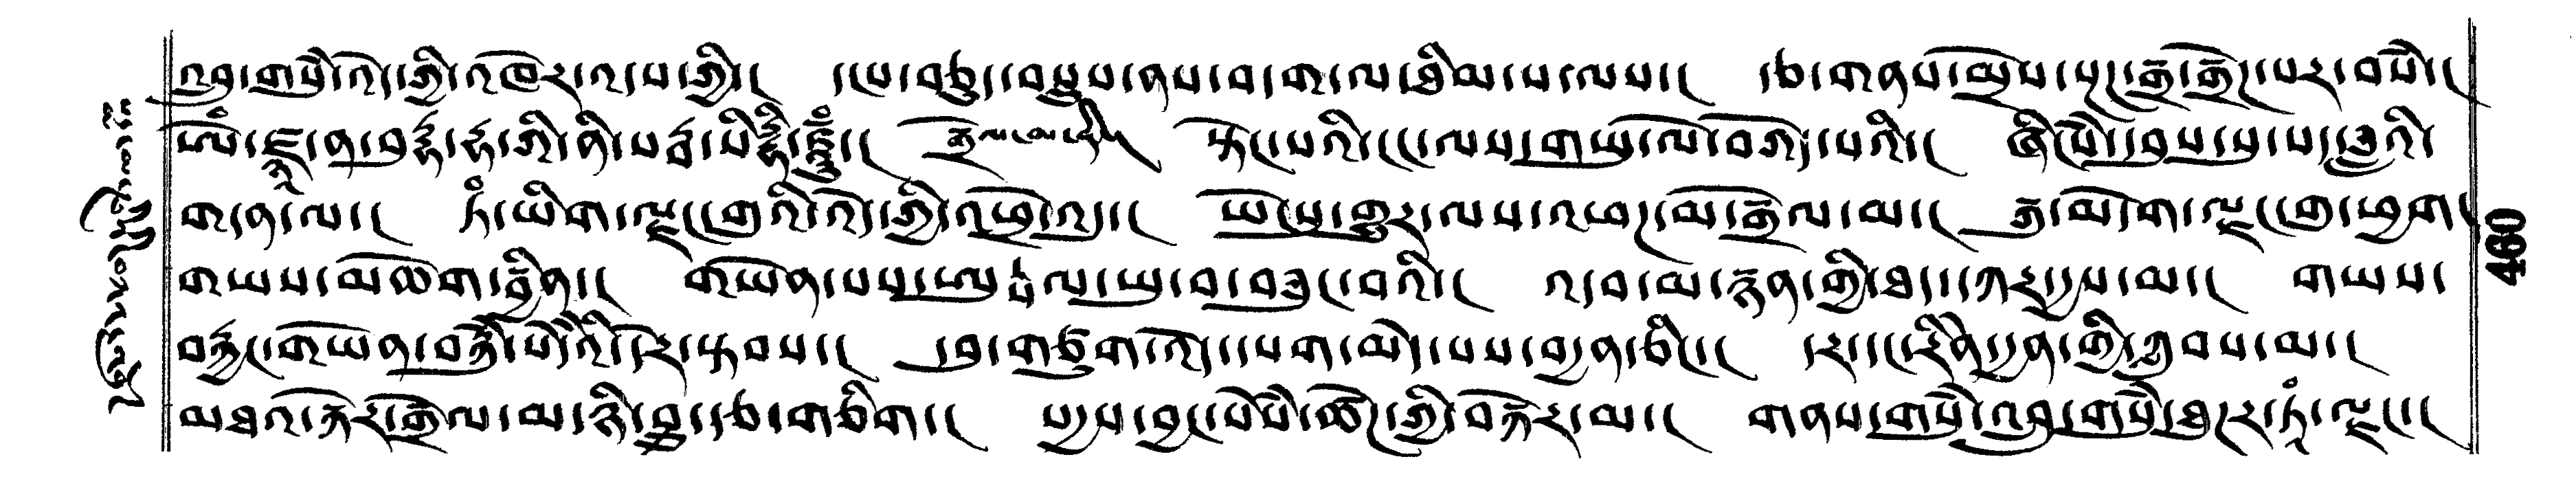འབྲུ་གསུམ་འོད་ཀྱིས་འཁོར་འདས་ཀྱི༔ དངས་བཅུད་བསྡུས་ནས་བདག་ལ་ཐིམ་པ་ལས༔ རྩ་གནས་མཁའ་འགྲོས་སྔགས་སྒྲ་སྒྲོག་པར་བསམ༔ 
ཨོཾ་ཛྙཱ་ན་བུདྡྷ་དྷཱ་ཀི་ནི་སརྦ་སིདྡྷི་ཧཱུྃ༔ སྒྲོལ་མ་ནི། སྟོང་པའི་ངང་ལས་གཡུ་ལོ་བཀོད་པའི། །ཞིང་ཁམས་དབུས་སུ་པད་ཟླའི་
གདན་ལ། །ཏཱཾ་ཡིག་ལྗང་གུའི་འོད་ཀྱི་འཕྲོ་འདུ། །ཡོངས་སུ་གྱུར་ལས་འཕགས་མ་སྒྲོལ་མ། །སྐུ་མདོག་ལྗང་གུ་ཕྱག་
གཡས་མཆོག་སྦྱིན། །གཡོན་པས་ཨུཏྤལ་ཡུ་བ་བཟུང་བའི། །འདབ་མ་སྙན་གྱི་ཐད་དཀར་རྒྱས་མ། །གཡས་
བསྐྱང་གཡོན་བསྐུམ་སེམས་མའི་དོར་སྟབས། །དབུ་གཙུག་འོད་དཔག་མེད་པས་བརྒྱན་ཅིང་། །དར་དང་རིན་ཆེན་རྒྱན་གྱི་ཀླུབས་མ། །
མཐའ་སྐོར་སྒྲོལ་མ་ཉི་ཤུ་རྩ་གཅིག།སངས་རྒྱས་བྱང་སེམས་ཚོགས་ཀྱི་བསྐོར་མ། །གནས་གསུམ་འབྲུ་གསུམ་ཐུགས་ཀར་ཏཱྃ་ལྗང་།